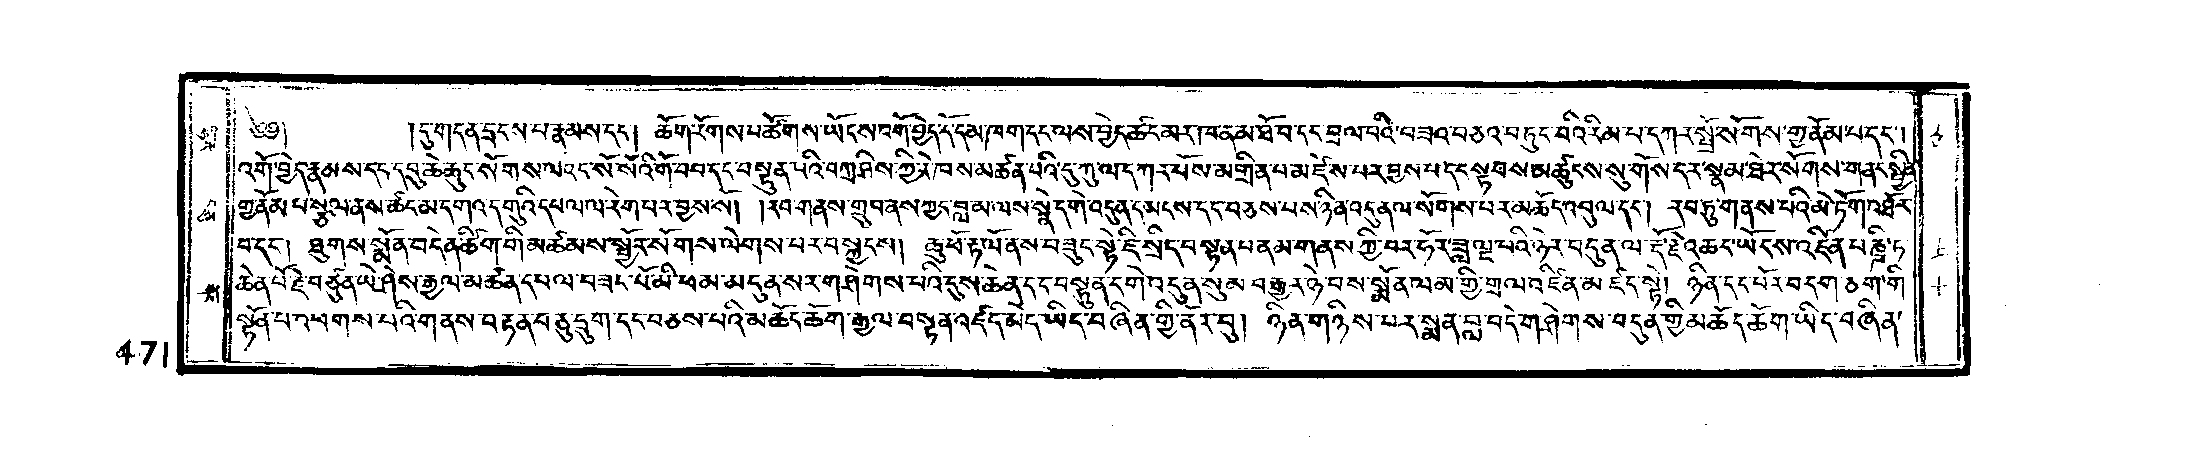༄༅། །དུ་གདན་དྲངས་པ་རྣམས་དང་། ཆོག་རོགས་པ་ཚོགས་ཡོངས་འགོ་བྱེད་དོ་དམ་ཁག་དང་ལས་བྱེད་ཚང་མར་ཁ་ན་མ་ཐོ་བ་དང་བྲལ་བའི་བཟའ་བཅའ་བཏུང་བའི་རིམ་པ་དཀར་སྤྲོ་སོགས་གྱ་ནོམ་པ་དང་།
འགོ་བྱེད་རྣམས་དང་དབུ་ཆེ་ཆུང་སོགས་ལའང་སོ་སོའི་གོ་བབ་དང་བསྟུན་པའི་བཀྲ་ཤིས་ཀྱི་རེ་ཁས་མཚན་པའི་དུ་ཀུ་ལ་དཀར་པོས་མགྲིན་པ་མཛེས་པར་བྱས་པ་དང་སྟབས་མཚུངས་སུ་གོས་དར་སྣམ་ཐེར་སོགས་གནང་སྦྱིན་
གྱ་ནོམ་པ་སྩལ་ནས་ཚང་མ་དགའ་དགུའི་དཔལ་ལ་རེག་པར་བྱས་སོ། །རབ་གནས་གྲུབ་ནས་ཀྱང་བླ་མ་ལས་སྣེ་དགེ་འདུན་དམངས་དང་བཅས་པས་ཉིན་འདུན་ལ་སོགས་པར་མཆོད་འབུལ་དང་། རབ་ཏུ་གནས་པའི་མེ་ཏོག་འཐོར་
བ་དང་། ཐུགས་སྨོན་བདེན་ཚིག་གི་མཚམས་སྦྱོར་སོགས་ལེགས་པར་བསྐྱངས། ཆུ་ཕོ་རྟ་ལོ་ནས་བཟུང་སྟེ་ཇི་སྲིད་བསྟན་པ་ནམ་གནས་ཀྱི་བར་ཧོར་ཟླ་ལྔ་པའི་ཉེར་བདུན་ལ་རྡོ་རྗེ་འཆང་ཡོངས་འཛིན་པཎྜི་ཏ་
ཆེན་པོ་རྗེ་བཙུན་ཡེ་ཤེས་རྒྱལ་མཚན་དཔལ་བཟང་པོ་མི་ཕམ་མདུན་སར་གཤེགས་པའི་དུས་ཆེན་དང་བསྟུན་དགེ་འདུན་སུམ་བརྒྱར་ཉེ་བས་སྨོན་ལམ་གྱི་གྲལ་འཛིན་མཛད་སྟེ། ཉིན་དང་པོར་བདག་ཅག་གི་
སྟོན་པ་འཕགས་པའི་གནས་བརྟན་བཅུ་དྲུག་དང་བཅས་པའི་མཆོད་ཆོག་རྒྱལ་བསྟན་འཛད་མེད་ཡིད་བཞིན་གྱི་ནོར་བུ། ཉིན་གཉིས་པར་སྨན་བླ་བདེ་གཤེགས་བདུན་གྱི་མཆོད་ཆོག་ཡིད་བཞིན་